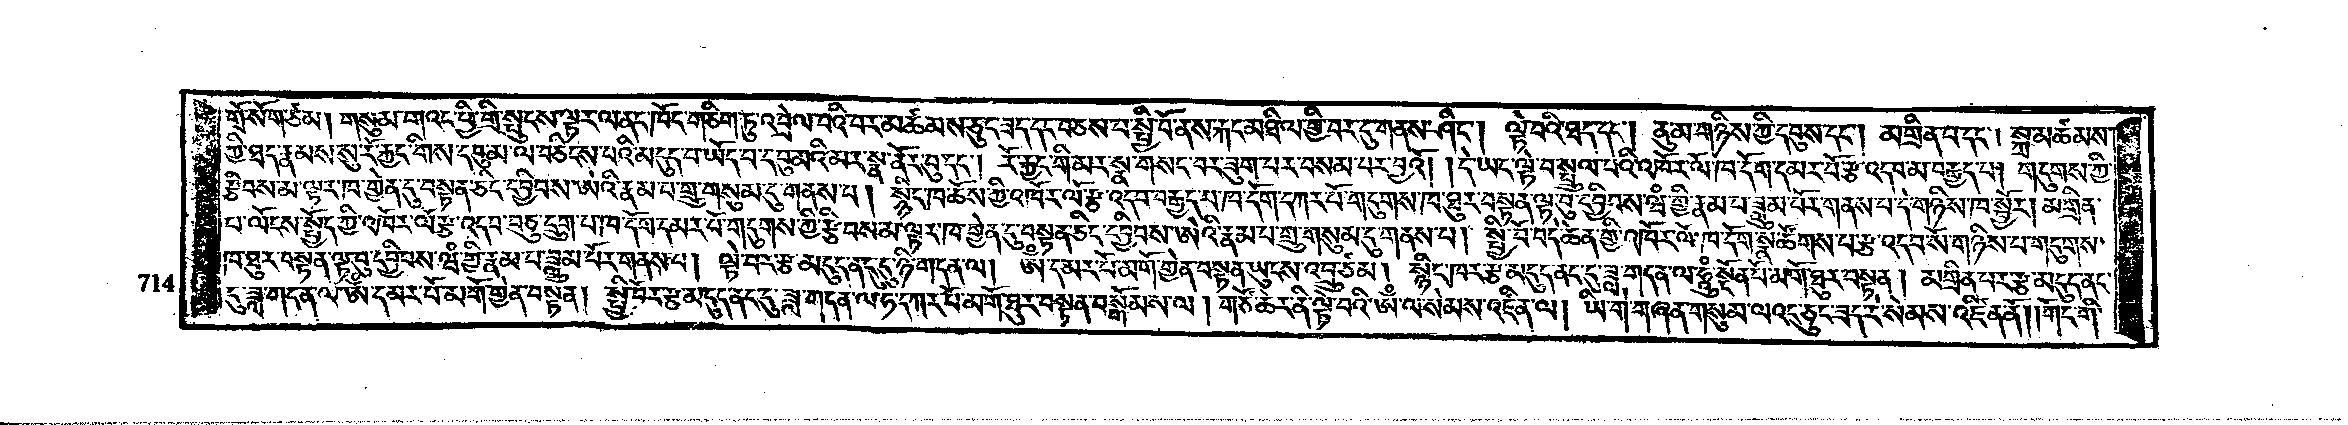གྲོ་སོག་ཙམ། གསུམ་གའང་ཕྱི་གྲི་སྤུངས་ལྟར་ལ་ནང་ཁོང་གཅིག་ཏུ་འབྲེལ་བའི་བར་མཚམས་ཅུང་ཟད་དང་བཅས་པ་སྤྱི་བོ་ནས་རྐང་མཐིལ་གྱི་བར་དུ་གནས་ཤིང་། ལྟེ་བའི་ཐད་དང་། ནུ་མ་གཉིས་ཀྱི་དབུས་དང་། མགྲིན་པ་དང་། སྐྲ་མཚམས་
ཀྱི་ཐད་རྣམས་སུ་རོ་རྐྱང་གིས་དབུ་མ་ལ་བཅིངས་པའི་མདུད་པ་ཡོད་པ་དབུ་མའི་མར་སྣ་ནོར་བུ་དང་། རོ་རྐྱང་གི་མར་སྣ་གསང་བར་ཟུག་པར་བསམ་པར་བྱའོ། །དེ་ཡང་ལྟེ་བ་སྤྲུལ་པའི་འཁོར་ལོ་ཁ་དོག་དམར་པོ་རྩ་འདབ་མ་བརྒྱད་པ། གདུགས་ཀྱི་
རྩིབས་མ་ལྟར་ཁ་གྱེན་དུ་བསྟན་ཅིང་དབྱིབས་ཨེའི་རྣམ་པ་གྲུ་གསུམ་དུ་གནས་པ། སྙིང་ཁ་ཆོས་ཀྱི་འཁོར་ལོ་རྩ་འདབ་བརྒྱད་པ་ཁ་དོག་དཀར་པོ་གདུགས་ཁ་ཐུར་བསྟན་ལྟ་བུ་དབྱིབས་ཝཾ་གྱི་རྣམ་པ་ཟླམ་པོར་གནས་པ་དེ་གཉིས་ཁ་སྦྱོར། མགྲིན་
པ་ལོངས་སྤྱོད་ཀྱི་འཁོར་ལོ་རྩ་འདབ་བཅུ་དྲུག་པ་ཁ་དོག་དམར་པོ་གདུགས་ཀྱི་རྩི་བས་མ་ལྟར་གྱེན་དུ་བསྟན་ཅིང་དབྱིབས་ཨེའི་རྣམ་པ་གྲུ་གསུམ་དུ་གནས་པ། སྤྱི་བོ་བདེ་ཆེན་གྱི་འཁོར་ལོ་ཁ་དོག་སྣ་ཚོགས་པ་རྩ་འདབ་སོ་གཉིས་པ་གདུགས་
ཁ་ཐུར་བསྟན་ལྟ་བུ་དབྱིབས་ཝཾ་གྱི་རྣམ་པ་ཟླམ་པོར་གནས་པ། ལྟེ་བར་རྩ་མདུད་ནང་དུ་ཉི་གདན་ལ། ཨོཾ་དམར་པོ་མགོ་གྱེན་བསྟན་ཡུངས་འབྲུ་ཙམ། སྙིང་ཁར་རྩ་མདུད་ནང་དུ་ཟླ་གདན་ལ་ཧཱུཾ་སྔོན་པོ་མགོ་ཐུར་བསྟན། མགྲིན་པར་རྩ་མདུད་ནང་
དུ་ཟླ་གདན་ལ་ཨོཾ་དམར་པོ་མགོ་གྱེན་བསྟན། སྤྱི་བོར་རྩ་མདུད་ནང་དུ་ཟླ་གདན་ལ་ཧཾ་དཀར་པོ་མགོ་ཐུར་བསྟན་བསྒོམས་ལ། གཙོ་ཆེར་ནི་ལྟེ་བའི་ཨོཾ་ལ་སེམས་འཛིན་ལ། ཡི་གེ་གཞན་གསུམ་ལའང་ཅུང་ཟད་རེ་སེམས་འཛིན་ནོ། །གོང་གི་